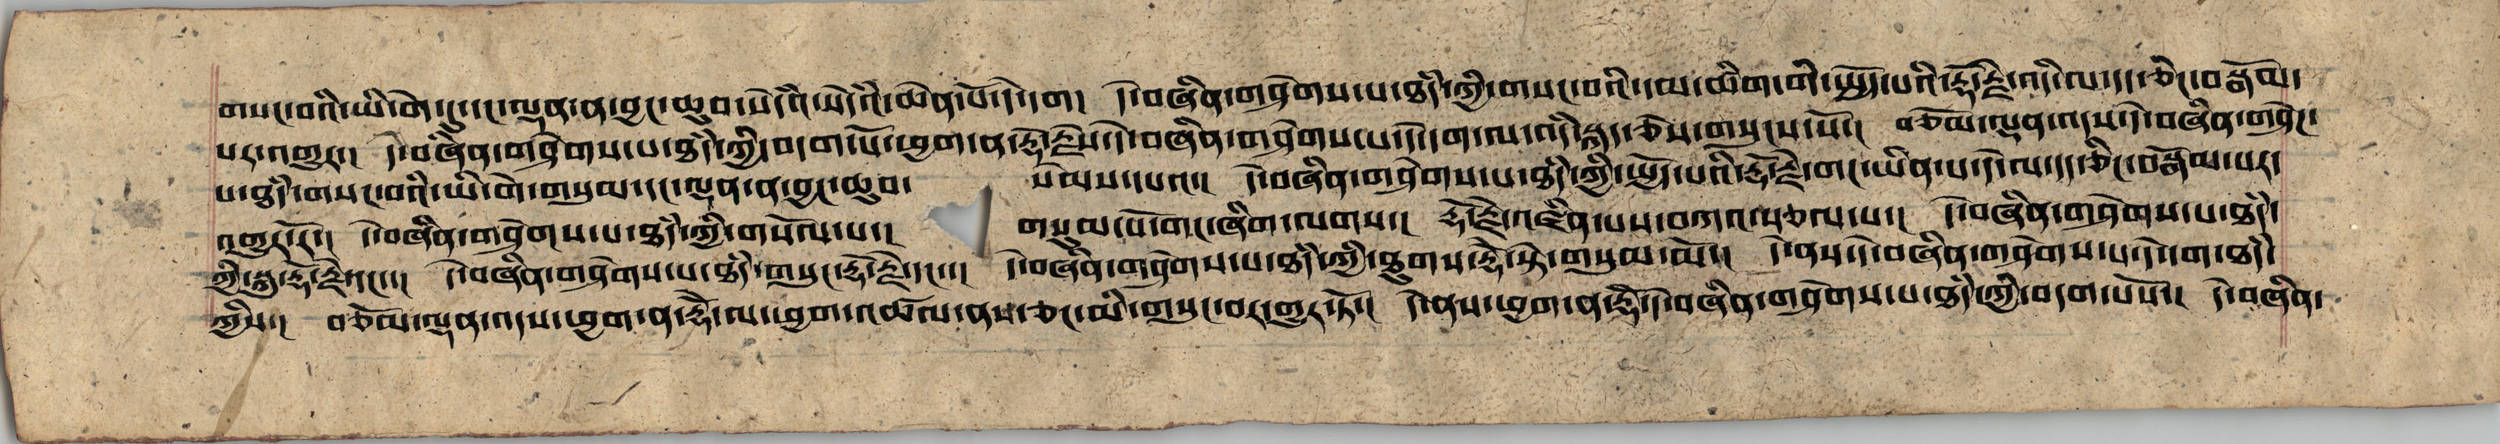གསང་བའི་ཡི་གེ་དུ་དང་ལྡན་ན་བྱང་ཆུབ་སེདཾའ་སེདཾའ་ཆེན་པོ་དེ་དག། དེ་བཞིན་གཤེགས་པ་ཐཾད་ཀྱི་གསང་བའི་དམ་ཚིག་གི་སྤྱོད་པའི་རྡོ་རྗེ་འདི་ལ་དད་ཅིང་བསྒོམ་
པར་འགྱུར་། དེ་བཞིན་གཤེགས་པ་ཐདཾ་ཀྱི་བདག་པོ་ཕྱག་ན་རྡོ་རྗེས་དེ་བཞིན་གཤེགས་པ་དེ་དག་ལ་འདི་སྐད་ཅེས་གསུངས་སོ་། བཅོམ་ལྡན་འདས་དེ་བཞིན་གཤེཌ་
པ་ཐདཾ་གསང་བའི་ཡི་གེ་གསུམ་དང་ལྡན་ན་བྱང་ཆུབ་ སེམས་དཔའ་། དེ་བཞིན་གཤེགས་པ་ཐདཾ་ཀྱི་སྤྱོད་པའི་རྡོ་རྗེ་གང་ཡིན་པ་དེ་ལ་དད་ཅིང་བསྒོམ་པར་
འགྱུར་རོ་། དེ་བཞིན་གཤེགས་པ་ཐདཾ་ཀྱི་གསོལ་པ་། གསུམ་པོ་གང་ཞིག་ལགས་། རྡོ་རྗེ་འཛིན་པས་བཀའ་སྩལ་པ་། དེ་བཞིན་གཤེགས་པ་ཐདཾ་
ཀྱི་སྐུ་རྡོ་རྗེ་དང་་། དེ་བཞིན་གཤེགས་པ་ཐདཾ་གསུང་རྡོ་རྗེ་དང་་། དེ་བཞིན་གཤེགས་པ་ཐདཾ་ཀྱི་ཐུགས་རྡོེ་སྟེ་གསུམ་མོ་། དེ་ནས་དེ་བཞིན་གཤེགས་པ་དེ་དག་ཐདཾ་
ཀྱིས་། བཅོམ་ལྡན་འདས་ཕྱག་ན་རྡོེ་ལ་ཕྱག་འཚལ་ནས་ཅང་མི་གསུང་བར་གྱུར་ཏོ་། དེ་ནས་ཕྱག་ན་རྡོེ་དེ་བཞིན་གཤེགས་པ་ཐདཾ་ཀྱི་བདག་པོས་། དེ་བཞིན་